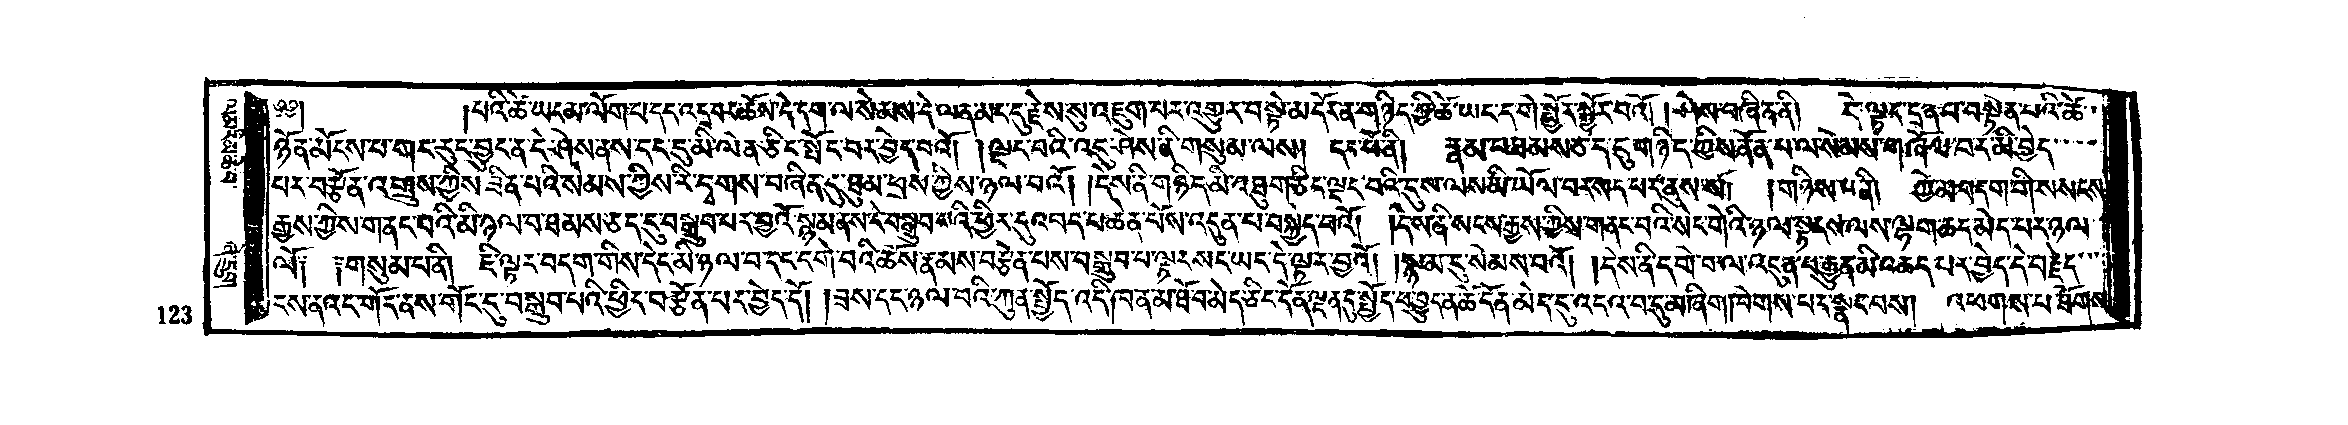༄༅། །པའི་ཚེ་ཡང་མ་ལོག་པ་དང་འདྲ་བར་ཆོས་དེ་དག་ལ་སེམས་དེ་ལན་མང་དུ་རྗེས་སུ་འཇུག་པར་འགྱུར་བ་སྟེ་མདོར་ན་གཉིད་ཀྱི་ཚེ་ཡང་དགེ་སྦྱོར་སྐྱོང་བའོ། །ཤེས་བཞིན་ནི། དེ་ལྟར་དྲན་པ་བསྟེན་པའི་ཚེ་
ཉོན་མོངས་པ་གང་རུང་བྱུང་ན་དེ་ཤེས་ནས་དང་དུ་མི་ལེན་ཅིང་སྤོང་བར་བྱེད་པའོ། །ལྡང་བའི་འདུ་ཤེས་ནི་གསུམ་ལས། དང་པོ་ནི། རྣམ་པ་ཐམས་ཅད་དུ་གཉིད་ཀྱིས་ནོན་པ་ལ་སེམས་གཞོལ་བར་མི་བྱེད་
པར་བརྩོན་འགྲུས་ཀྱིས་ཟིན་པའི་སེམས་ཀྱིས་རི་དྭགས་བཞིན་དུ་ཐུམ་ཕྲས་ཀྱིས་ཉལ་བའོ། །དེས་ནི་གཉིད་མི་འཐུག་ཅིང་ལྡང་བའི་དུས་ལས་མི་ཡོལ་བར་སད་པར་ནུས་སོ། །གཉིས་པ་ནི། ཀྱེ་མ་བདག་གིས་སངས་
རྒྱས་ཀྱིས་གནང་བའི་མི་ཉལ་བ་ཐམས་ཅད་དུ་བསྒྲུབ་པར་བྱའོ་སྙམ་ནས་དེ་བསྒྲུབ་པའི་ཕྱིར་དུ་འབད་པ་ཆེན་པོས་འདུན་པ་བསྐྱེད་པའོ། །དེས་ནི་སངས་རྒྱས་ཀྱིས་གནང་བའི་སེང་གེའི་ཉལ་སྟངས་ལས་ལྷག་ཆད་མེད་པར་ཉལ་
ལོ༑ ༑གསུམ་པ་ནི། ཇི་ལྟར་བདག་གིས་དེང་མི་ཉལ་བ་དང་དགེ་བའི་ཆོས་རྣམས་བརྩོན་པས་བསྒྲུབ་པ་ལྟར་སང་ཡང་དེ་ལྟར་བྱའོ། །སྙམ་དུ་སེམས་པའོ། །དེས་ནི་དགེ་བ་ལ་འདུན་པ་རྒྱུན་མི་འཆད་པར་བྱེད་དེ་བརྗེད་
ངས་ནའང་གོང་ནས་གོང་དུ་བསྒྲུབ་པའི་ཕྱིར་བརྩོན་པར་བྱེད་དོ། །ཟས་དང་ཉལ་བའི་ཀུན་སྤྱོད་འདི་ཁ་ན་མ་ཐོ་བ་མེད་ཅིང་དོན་ལྡན་དུ་སྤྱོད་པ་བྱུང་ན་ཚེ་དོན་མེད་དུ་འདའ་བ་དུ་མ་ཞིག་ཁེགས་པར་སྣང་བས། འཕགས་པ་ཐོགས་